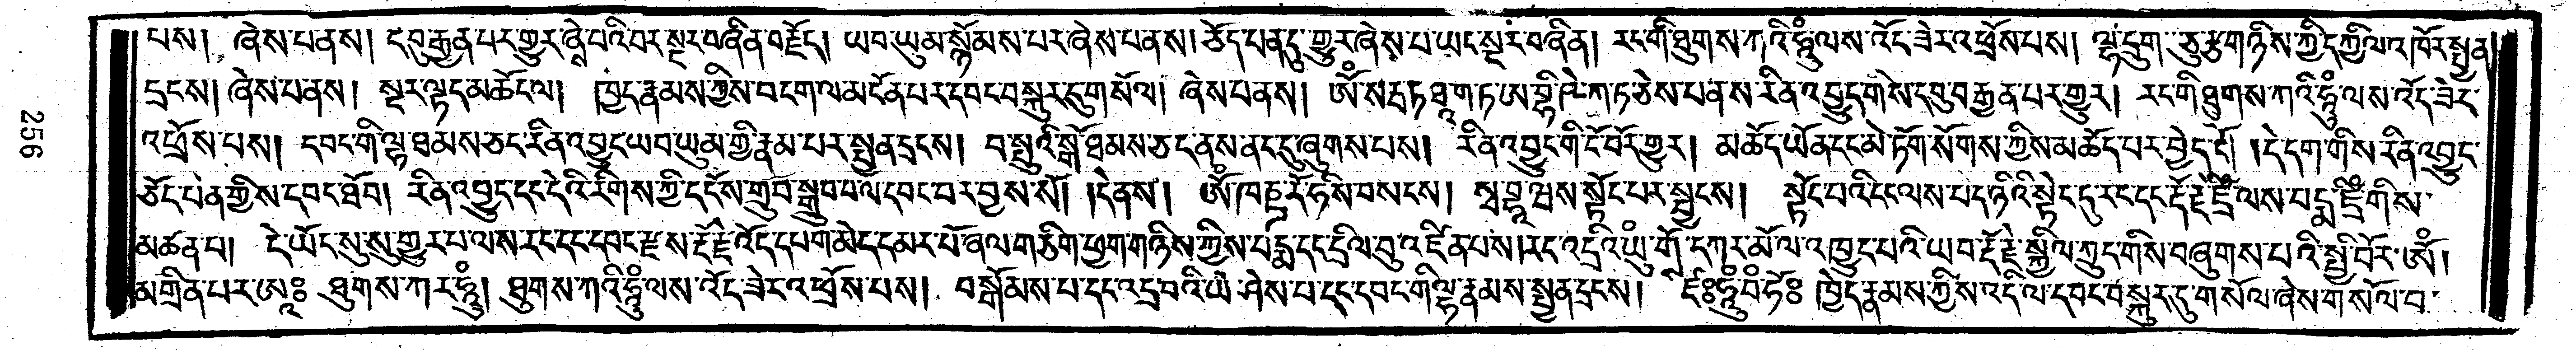པས། ཞེས་པ་ནས། དབུ་རྒྱན་པར་གྱུར་ཞེས་པའི་བར་སྔར་བཞིན་བརྗོད། ཡབ་ཡུམ་སྙོམས་པར་ཞེས་པ་ནས། ཅོད་པན་དུ་གྱུར་ཞེས་པ་ཡང་སྔར་བཞིན། རང་གི་ཐུགས་ཀའི་ཧཱུཾ་ལས་འོད་ཟེར་འཕྲོས་པས། ལྷ་དྲུག་ཅུ་རྩ་གཉིས་ཀྱི་དཀྱིལ་འཁོར་སྤྱན་
དྲངས། ཞེས་པ་ནས། སྔར་ལྟད་མཆོད་ལ། ཁྱད་རྣམས་ཀྱིས་བདག་ལ་མངོན་པར་དབང་བསྐུར་དུ་གསོལ། ཞེས་པ་ནས། ཨོཾ་སརྦ་ཏ་ཐཱ་ག་ཏ་ཨ་བྷི་ཥེ་ཀ་ཏ་ཅེས་པ་ནས་རིན་འབྱུང་གིས་དབུ་བརྒྱན་པར་གྱུར། རང་གི་ཐུགས་ཀའི་ཧཱུཾ་ལས་འོད་ཟེར་
འཕྲོས་པས། དབང་གི་ལྷ་ཐམས་ཅད་རིན་འབྱུང་ཡབ་ཡུམ་གྱི་རྣམ་པར་སྤྱན་དྲངས། བ་སྤུའི་སྒོ་ཐམས་ཅད་ནས་ནང་དུ་ཞུགས་པས། རིན་འབྱུང་གི་ངོ་བོར་གྱུར། མཆོད་ཡོན་དང་མེ་ཏོག་སོགས་ཀྱིས་མཆོད་པར་བྱེད་དོ། །དེ་དག་གིས་རིན་འབྱུང་
ཅོད་པན་གྱིས་དབང་ཐོབ། རིན་འབྱུང་དང་དེའི་རིགས་ཀྱི་དངོས་གྲུབ་སྒྲུབ་པ་ལ་དབང་བར་བྱས་སོ། །དེ་ནས། ཨོཾ་ཁཎྜ་རོ་ཧིས་བསངས། སྭ་བྷཱ་ཝས་སྟོང་པར་སྦྱངས། སྟོང་པའི་ངང་ལས་པད་ཉིའི་སྟེང་དུ་རང་དང་རྡོ་རྗེ་ཛྲིཾ་ལས་པདམ་ཛྲིཾ་གིས་
མཚན་པ། དེ་ཡོང་སུ་སུ་གྱུར་པ་ལས་རང་དང་དབང་རྫས་རྡོ་རྗེ་འོད་དཔག་མེད་དམར་པོ་ཞལ་གཅིག་ཕྱག་གཉིས་ཀྱིས་པདམ་དང་དྲིལ་བུ་འཛིན་པས། རང་འདྲའི་ཡུཾ་གིས་དཀར་མོ་ལ་འཁྱུད་པའི་ཡབ་རྡོ་རྗེ་སྐྱིལ་ཀྲུང་གིས་བཞུགས་པའི་སྤྱི་བོར་ཨོཾ།
མགྲིན་པར་ཨཱཿ ཐུགས་ཀར་ཧཱུཾ། ཐུགས་ཀའི་ཧཱུཾ་ལས་འོད་ཟེར་འཕྲོས་པས། བསྒོམས་པ་དང་འདྲ་བའི་ཡེ་ཤེས་པ་དང་དབང་གི་ལྷ་རྣམས་སྤྱན་དྲངས། ཛཿ ཧཱུཾ་བཾ་ཧོཿ ཁྱེད་རྣམས་ཀྱིས་འདི་ལ་དབང་བསྐུར་དུ་གསོལ་ཞེས་གསོལ་བ་